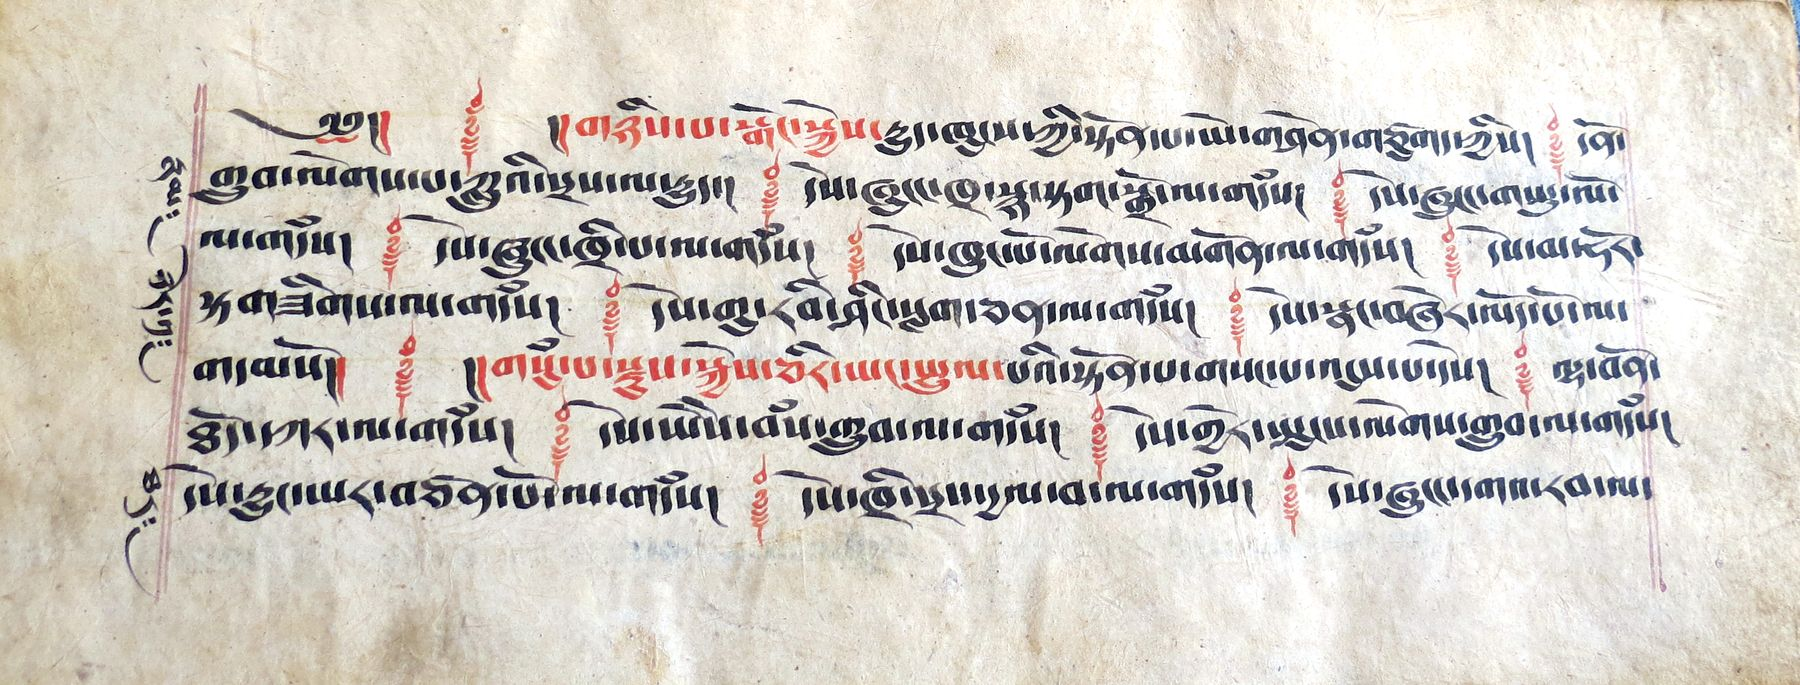གཉིས་པ་སྒོང་སྐྱེས་བརྒྱུད་ཁུངས་ཀྱི་སྟོན་པ་ཡེ་གཤེན་གཙུག་ཕུད་ཀྱིས། དོན་
གྲུབ་ལེགས་པ་ཀླུའི་སྲས་ལ་བརྒྱུད། དེས་ཞང་ཞུང་ཁྲི་སྙ་སྟག་སྒྲོ་ལ་གདམས། དེས་ཞང་ཞུང་གཡུ་ལོ་
ལ་གདམས། དེས་ཞང་ཞུང་ཁྲི་པ་ལ་གདམས་པ། དེས་ཁྱུང་པོ་ལེགས་མགོན་ལ་གདམས། དེས་མ་ཧོར་
སྟག་གཟིག་ལ་གདམས། དེས་གུ་རིབ་ཤིང་སླག་ཅན་ལ་གདམས། དེས་སྣང་བཞེར་ལོད་པོ་ལ་
གདམས་སོ། ། གསུམ་པ་རྫུས་སྐྱེས་ཅི་ཡང་སྤྲུལ་པའི་སྟོན་པ་གསང་བ་འདུས་པ་དེས། ལྷ་བོན་
ཐོད་དཀར་ལ་གདམས། དེས་ཡེ་ཤེས་བསམ་གྲུབ་ལ་གདམས། དེས་གྱེར་སྤུངས་ལེགས་གྲུབ་ལ་གདམས། 
དེས་རྒྱུང་ཡར་བཙད་པོ་ལ་གདམས། དེས་ཁྲི་སྲས་རྒྱལ་བ་ལ་གདམས། དེས་ཞང་ཞུང་དགའ་རབ་ལ་